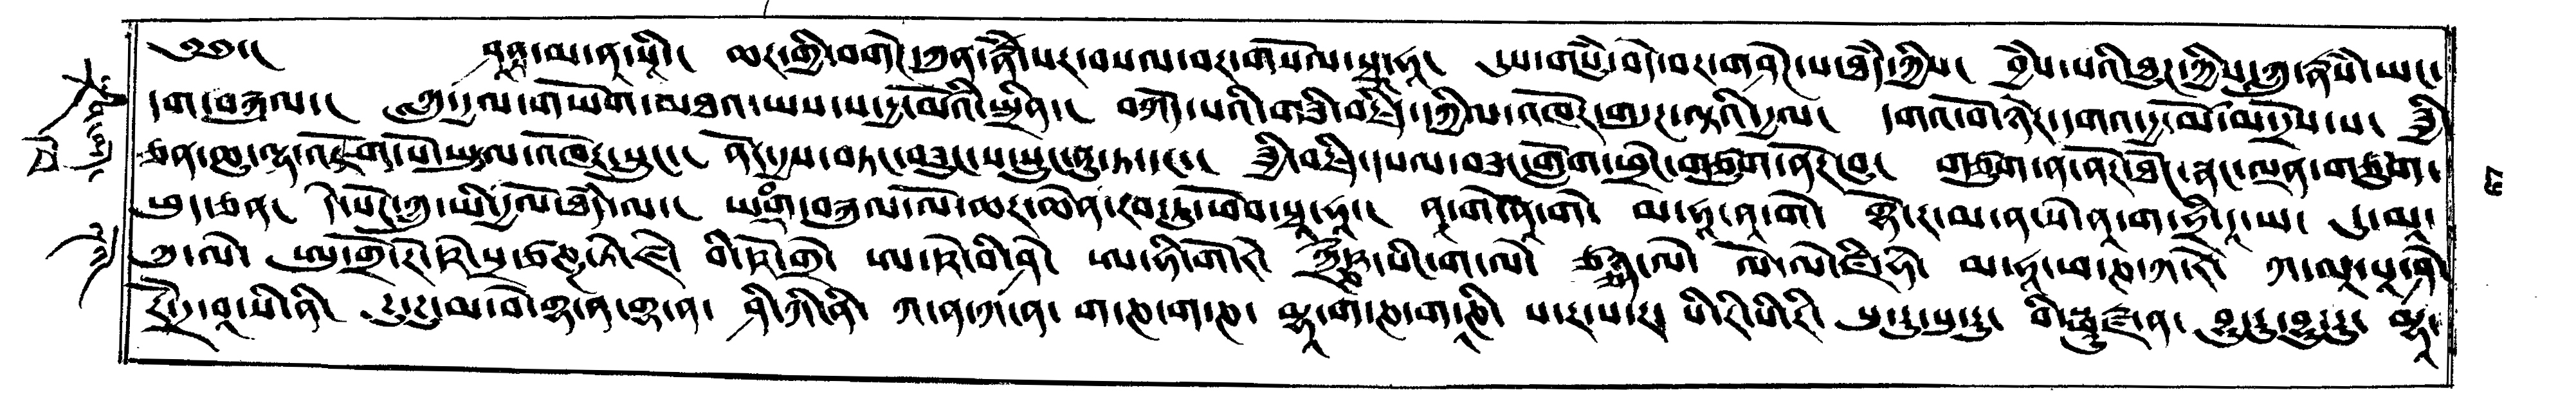ཤཱནཏ་མ་ནཱ་སཱི། ཆར་གྱི་བགེགས་ཀུན་རྣམ་པར་བསལ་བར་གསོལ་སྭ་ཧཱ། དུས་གསུམ་བདེ་བར་གཤེགས་པ་ཐམས་ཅད་ཀྱིས། །བྱམས་པའི་ཐུགས་ཀྱིས་ཀླུ་རྣམས་ཡང་
དག་བསྐུལ། །ཀླུ་རྒྱལ་གཡོག་མཐའ་ཡས་པ་རྒྱ་མཚོའི་སྤྲིན། །བཀོད་པའི་གཟི་བརྗིད་དཀྱིལ་འཁོར་གདུགས་ལྟའི་རྒྱལ། །དགའ་བོ་ཉེར་དགའ་རྒྱ་མཚོམ་དྲོས་པ། །གཟི་
ཅན་ཆུ་ལྷ་འཇོག་པོ་ཡུལ་འཁོར་སྲུང་།། ནོར་རྒྱས་བཏང་བཟུང་ས་སྲུང་ནུ་ཏ་དང་། །གཟི་བརྗིད་དཔལ་བཟང་གློག་ཕྲེང་གཙུག་ནོར་བུ། །གཙུག་ན་ནོར་ཐོགས་སྣང་ལྡན་གཙུག་
ཕུད་ཅན། །དེ་སོགས་ཀླུ་ཡི་རྒྱལ་པོ་ཐམས་ཅད་ལ། ཡང་དག་བསྐུལ་ལོ་ཆར་ཆེན་རབ་ཏུ་ཕོབ། སྭ་ཧཱ། ནཱ་གེ་ནཱ་གེ། མ་ཧཱ་ནཱ་གེ། གྷོ་ར་མ་ན་སེ་ནཱ་ག་ཧྲཱི་དཱ་ཡ། དུ་མཱ་
ཀུ་ལེ། ཨུ་གྲོ་རོ་རེ་པྲ་ཙཎྜ་ཏེ་ཇེ། བི་རོ་གྲེ། ཨ་རེ་བི་ཤེ། ཨ་ཧི་གོ་རེ། ཀྲྀཥྞསིང་ག་ལེ། ཙཉྩ་ལེ། ལོ་ལེ་ཛི་ཧེ། མ་ཧཱ་ཕ་ཎ་ཀ་རེ། ཀ་ལཱ་པཱ་ཤེ་
རཽ་དྲ་བཱ་སི་ནི། ཊུ་ཊུ་མ་བེ་གྷ་ན་གྷ་ན། ཤི་ཀི་ནི། ཀ་ན་ཀ་ན། ག་ཎ་ག་ཎ། བྷཱ་ག་ཎ་ག་ཎཱི། ས་ར་ས་ར་། སི་རི་སི་རི། སུ་རུ་སུ་རུ། བི་སྥཱུརྫ་ན། བྷུ་རུ་བྷུ་རུ། མ་ཧཱ་